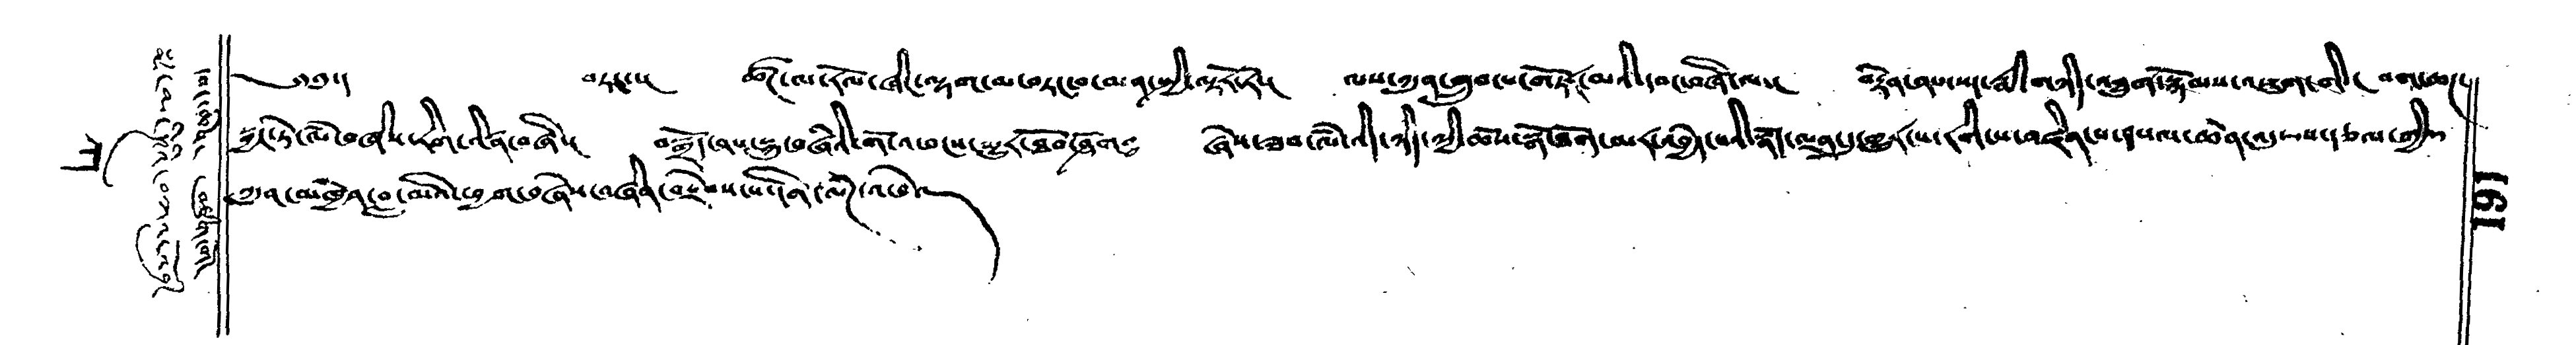བཏང་། ཚོགས་ལ་རོལ་ཞིང་ལྷག་མ་བཏང་བ་མན་སྤྱི་ལྟར་རོ། ལས་ཀུན་གྲུབ་པ་གཏོར་མའི་དབང་བཞི་ལ། །བརྟེན་ནས་སད་རྨི་གཉིད་འཐུག་སྙོམས་འཇུག་གི། །བག་ཆགས་
སྦྱངས་ཏེ་ལམ་བཞིས་རིག་འཛིན་བཞི་། །བགྲོད་ནས་སྐུ་བཞིའི་གོ་འཕང་མྱུར་ཐོབ་ཤོག །ཞེས་ཟབ་ལམ་འདི་ཉིད་ཀྱི་ཆོས་སྒོ་ཐོག་མར་འབྱེད་པའི་སྣོད་ལྡན་དུ་གྱུར་པ་རིག་པ་འཛིན་པ་དཔལ་ཆེན་འདུསཔ་རྩལ་གྱིས་
ཀུན་མཁྱེན་བླ་མའི་ཕྱག་བཞེས་བཞིན་བསྡེབས་པ་དགེ་ལེགས་འཕེལ།།